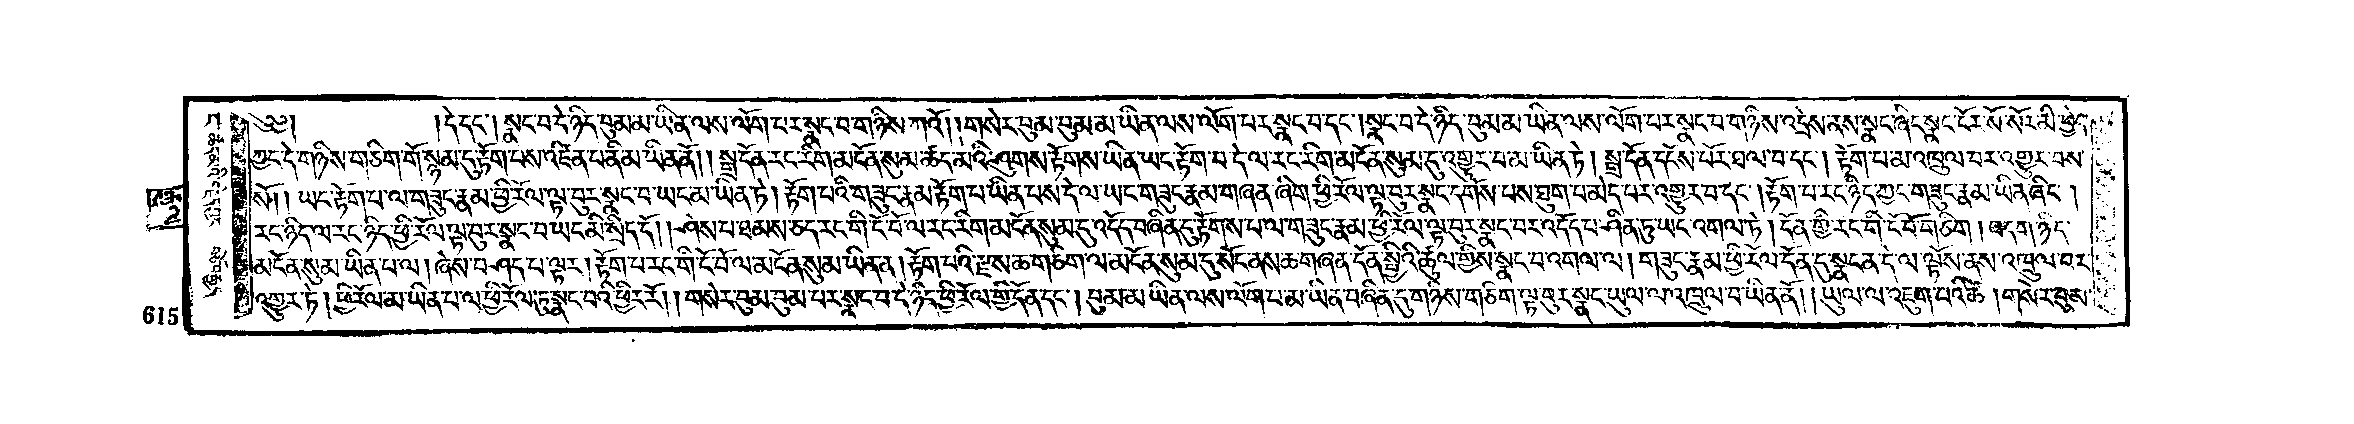༄༅། །དེ་དང་། སྣང་བ་དེ་ཉིད་བུམ་མ་ཡིན་ལས་ལོག་པར་སྣང་བ་གཉིས་ཀའོ། །གསེར་བུམ་བུམ་མ་ཡིན་ལས་ལོག་པར་སྣང་བ་དང་། སྣང་བ་དེ་ཉིད་བུམ་མ་ཡིན་ལས་ལོག་པར་སྣང་བ་གཉིས་འདྲེས་ནས་སྣང་ཞིང་སྣང་ངོར་སོ་སོར་མི་ཕྱེད་
ཀྱང་དེ་གཉིས་གཅིག་གོ་སྙམ་དུ་རྟོག་པས་འཛིན་པ་ནི་མ་ཡིན་ནོ། །སྒྲ་དོན་རང་རིག་མངོན་སུམ་ཚད་མའི་ཤུགས་རྟོགས་ཡིན་ཡང་རྟོག་པ་དེ་ལ་རང་རིག་མངོན་སུམ་དུ་འགྱུར་བ་མ་ཡིན་ཏེ། སྒྲ་དོན་དངོས་པོར་ཐལ་བ་དང་། རྟོག་པ་མ་འཁྲུལ་བར་འགྱུར་བས་
སོ། །ཡང་རྟོག་པ་ལ་གཟུང་རྣམ་ཕྱི་རོལ་ལྟ་བར་སྣང་བ་ཡང་མ་ཡིན་ཏེ། རྟོག་པའི་གཟུང་རྣམ་རྟོག་པ་ཡིན་པས་དེ་ལ་ཡང་གཟུང་རྣམ་གཞན་ཞིག་ཕྱི་རོལ་ལྟ་བུར་སྣང་དགོས་པས་ཐུག་པ་མེད་པར་འགྱུར་བ་དང་། རྟོག་པ་རང་ཉིད་ཀྱང་གཟུང་རྣམ་ཡིན་ཞིང་།
རང་ཉིད་ལ་རང་ཉིད་ཕྱི་རོལ་ལྟ་བུར་སྣང་བ་ཡང་མི་སྲིད་དོ། །ཤེས་པ་ཐམས་ཅད་རང་གི་ངོ་བོ་ལ་རང་རིག་མངོན་སུམ་དུ་འདོད་བཞིན་དུ་རྟོགས་པ་ལ་གཟུང་རྣམ་ཕྱི་རོལ་ལྟ་བུར་སྣང་བར་འདོད་པ་ཤིན་ཏུ་ཡང་འགལ་ཏེ། དོན་གྱི་རང་གི་ངོ་བོ་གཅིག །བདག་ཉིད་
མངོན་སུམ་ཡིན་པ་ལ། ཞེས་བཤད་པ་ལྟར། རྟོག་པ་རང་གི་ངོ་བོ་ལ་མངོན་སུམ་ཡིན་ན། རྟོག་པའི་རྫས་ཆ་གཅིག་ལ་མངོན་སུམ་དུ་སོང་ནས་ཆ་གཞིན་དོན་སྦྱིའི་ཚུལ་གྱིས་སྣང་བ་འགལ་ལ། གཟུང་རྣམ་ཕྱི་རོལ་དོན་དུ་སྣང་ན་དེ་ལ་ལྟོས་ནས་འཁྲུལ་བར་
འགྱུར་ཏེ། ཕྱིར་རོལ་མ་ཡིན་པ་ལ་ཕྱི་རོལ་ཏུ་སྣང་བའི་ཕྱིར་རོ། །གསེར་བུམ་བུམ་པར་སྣང་བ་དེ་ཉིད་ཕྱི་རོལ་གྱི་དོན་དང་། བུམ་མ་ཡིན་ལས་ལོག་པ་མ་ཡིན་བཞིན་དུ་གཉིས་གཅིག་ལྟ་བུར་སྣང་ཡུལ་ལ་འཁྲུལ་བ་ཡིན་ནོ། །ཡུལ་ལ་འཇུག་པའི་ཚེ། གསེར་བུམ་